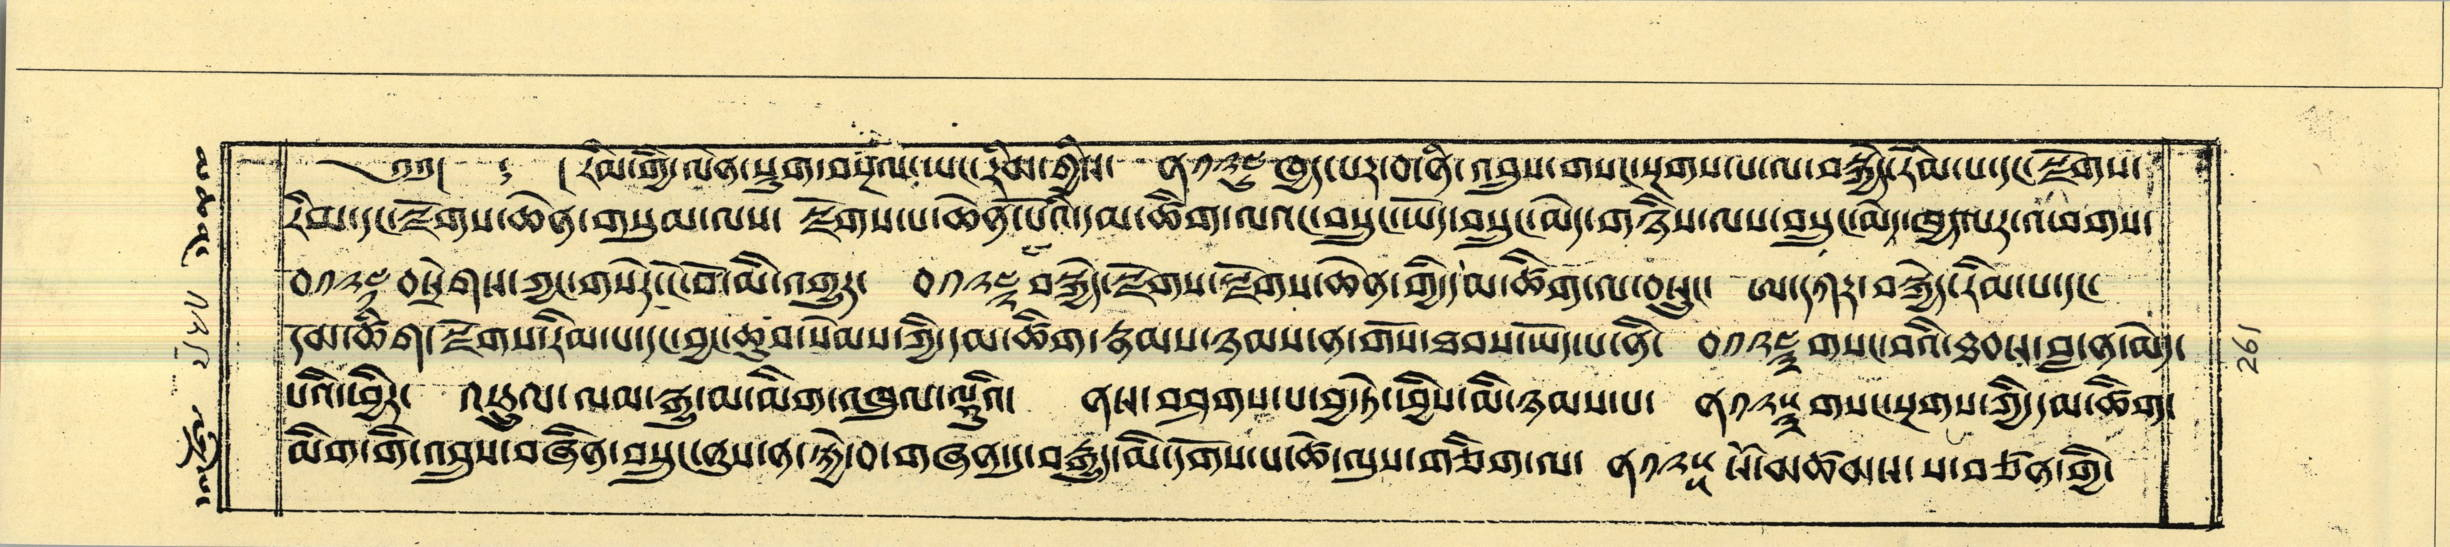རིམ་གྱི་ལན་སྡུག་བསྔལ་ཡང་རིམ་གྱིས་ ན༡༢༤།༦ ཁྱད་པར་བ་ནི་འབྲས་བུ་གསང་སྔགས་པ་ལ་བསྐྱེད་རིམ་པ་དང་སྫོགས་
རིམ་དང་སྫོགས་ཆེན་གསུམ་ལས། སྫོགས་པ་ཆེན་པོའི་དམ་ཚིག་ལའང་བསྲུང་ཡོད་བསྲུང་མེད་གཉིས་ལས་བསྲུང་མེད་ཁྱད་པར་འཕགས་
བ༡༢༤།༡ བསྲེགས་ཀྱང་གསེར་ངོ་བོ་མི་འགྱུར། བ༡༢༤།༢ བསྐྱེད་སྫོགས་སྫོགས་ཆེན་གྱི་དམ་ཚིག་ལ་བསྲུང་ ཨ་དཀར་བསྐྱེད་རིམ་པ་དང་ 
དམ་ཚིག་སྫོགས་རིམ་པ་དང་བྱང་ཆུབ་སེམས་ཀྱི་དམ་ཚིག་རྣམས་ཉམས་ན་གསོ་ཐབས་ཡོད་པ་ནི། བ༡༢༤།༣ གསང་བའི་ ཐབས་བླ་ན་མེད་
པའི་ཕྱིར། འཕྲུལ་ལམ་སྒྱུ་མ་མིག་འཁྲུལ་ལྟ་བུའི་ ནས་བཤགས་པ་བྱ་ཏེ་ཕྱིས་མི་ཉམས་པ་ ན༡༢༥།༣ གསང་སྔགས་ཀྱི་དམ་ཚིག་
མིག་གི་འབྲས་བུ་བཞིན་བསྲུང་ནུས་ན་སྐྱེ་བ་གཞན་དུ་བརྒྱུད་མི་དགོས་པ་ཚེ་ལུས་གཅིག་ལ་ ན༡༢༥།༥ སོ་མཚམས་ས་བཙན་གྱི་